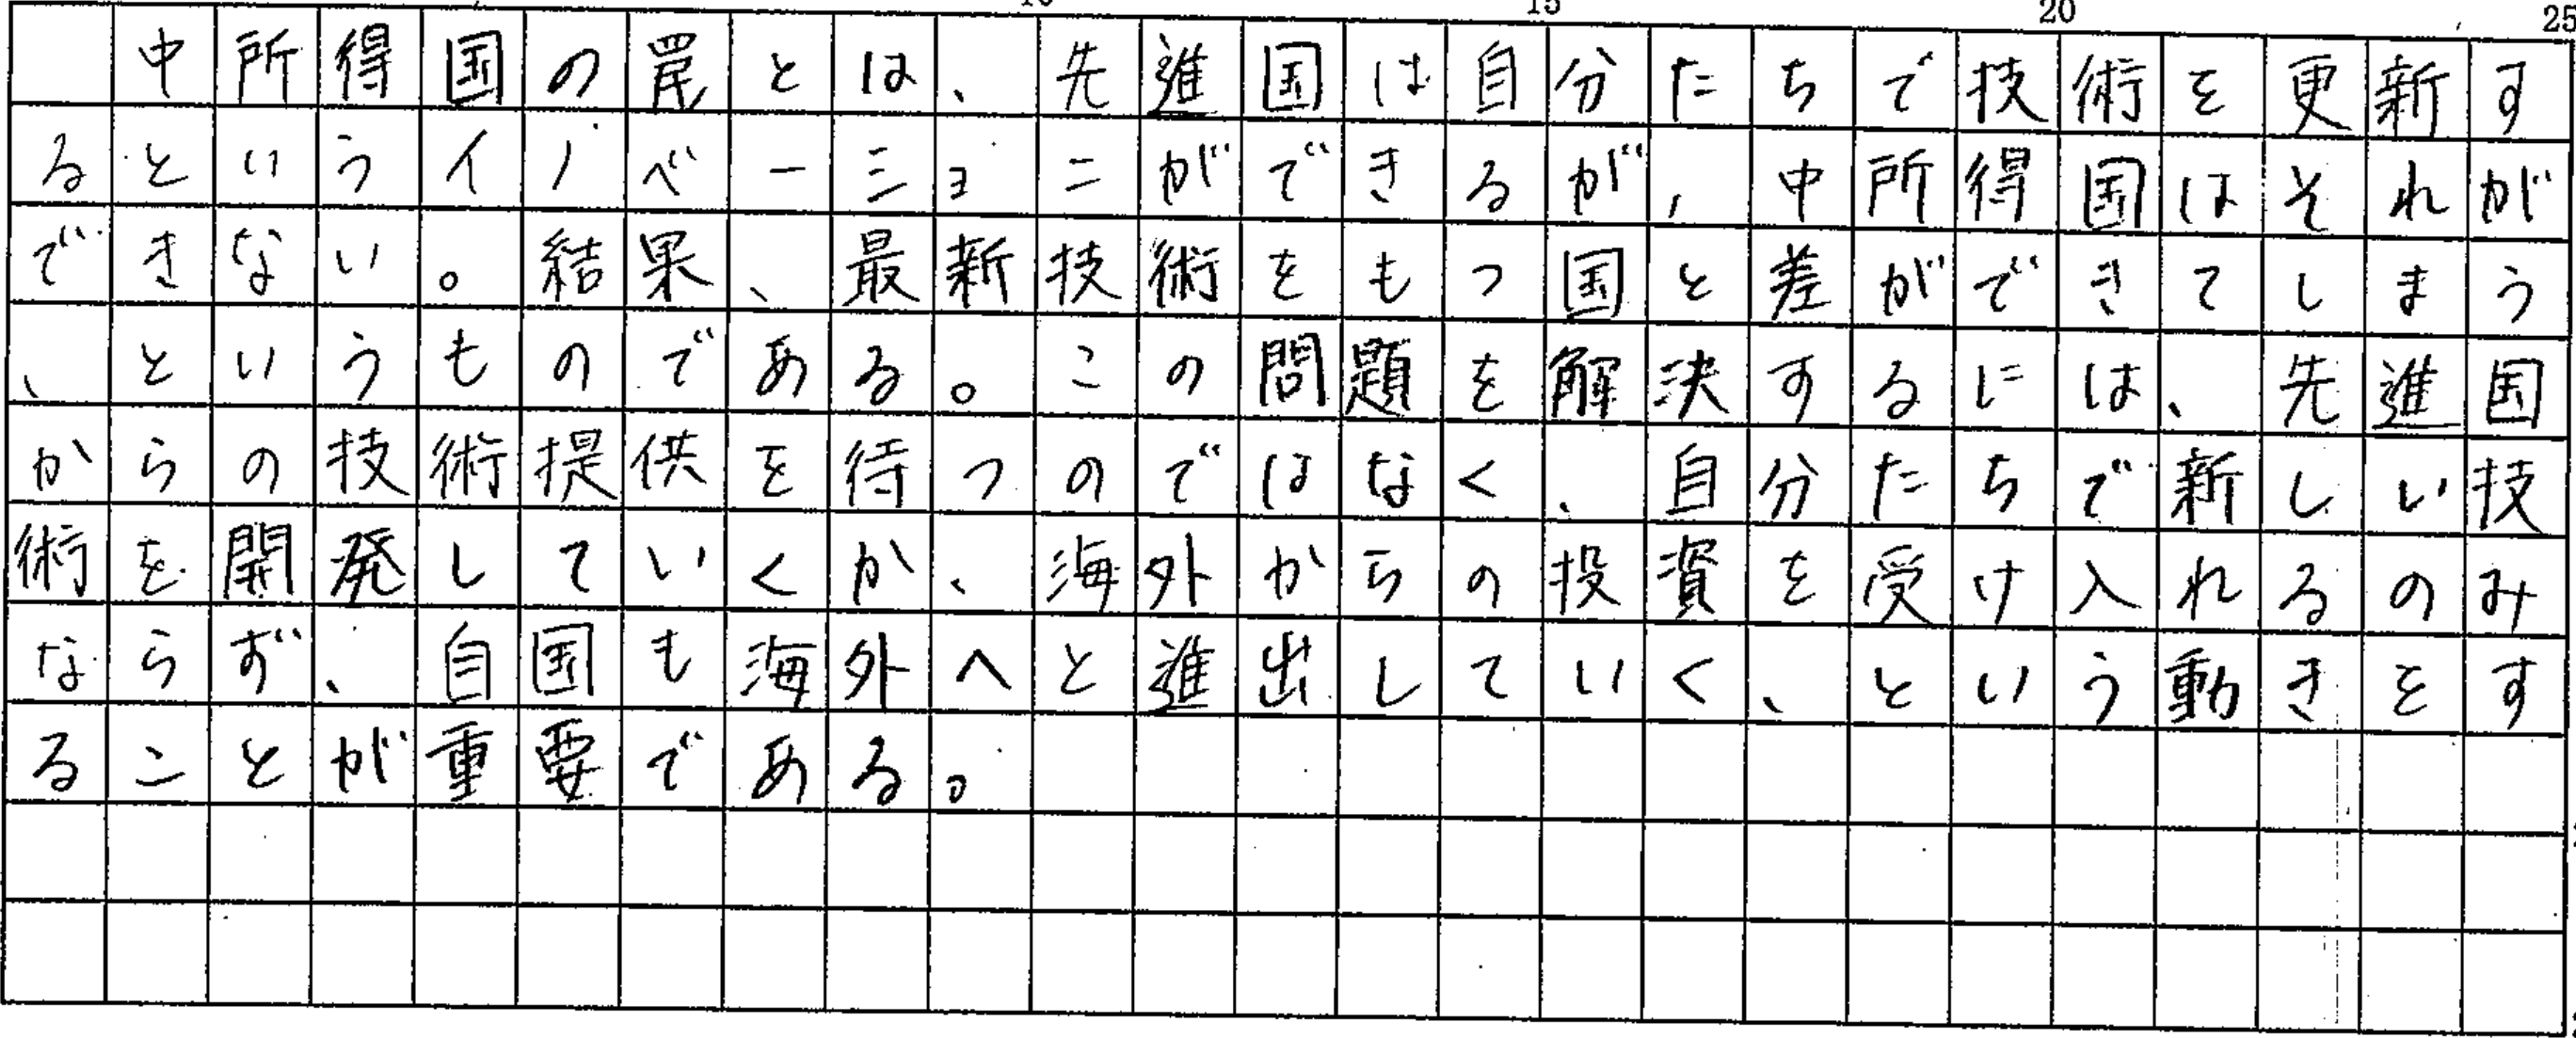　中所得国の罠とは、先進国は自分たちで技術を更新するというイノベーションができるが，中所得国はそれができない。結果、最新技術をもつ国と差ができてしまう、というものである。この問題を解決するには、先進国からの技術提供を待つのではなく、自分たちで新しい技術を開発していくか、海外からの投資を受け入れるのみならず、自国も海外へと進出していく、という動きをすることが重要である。
